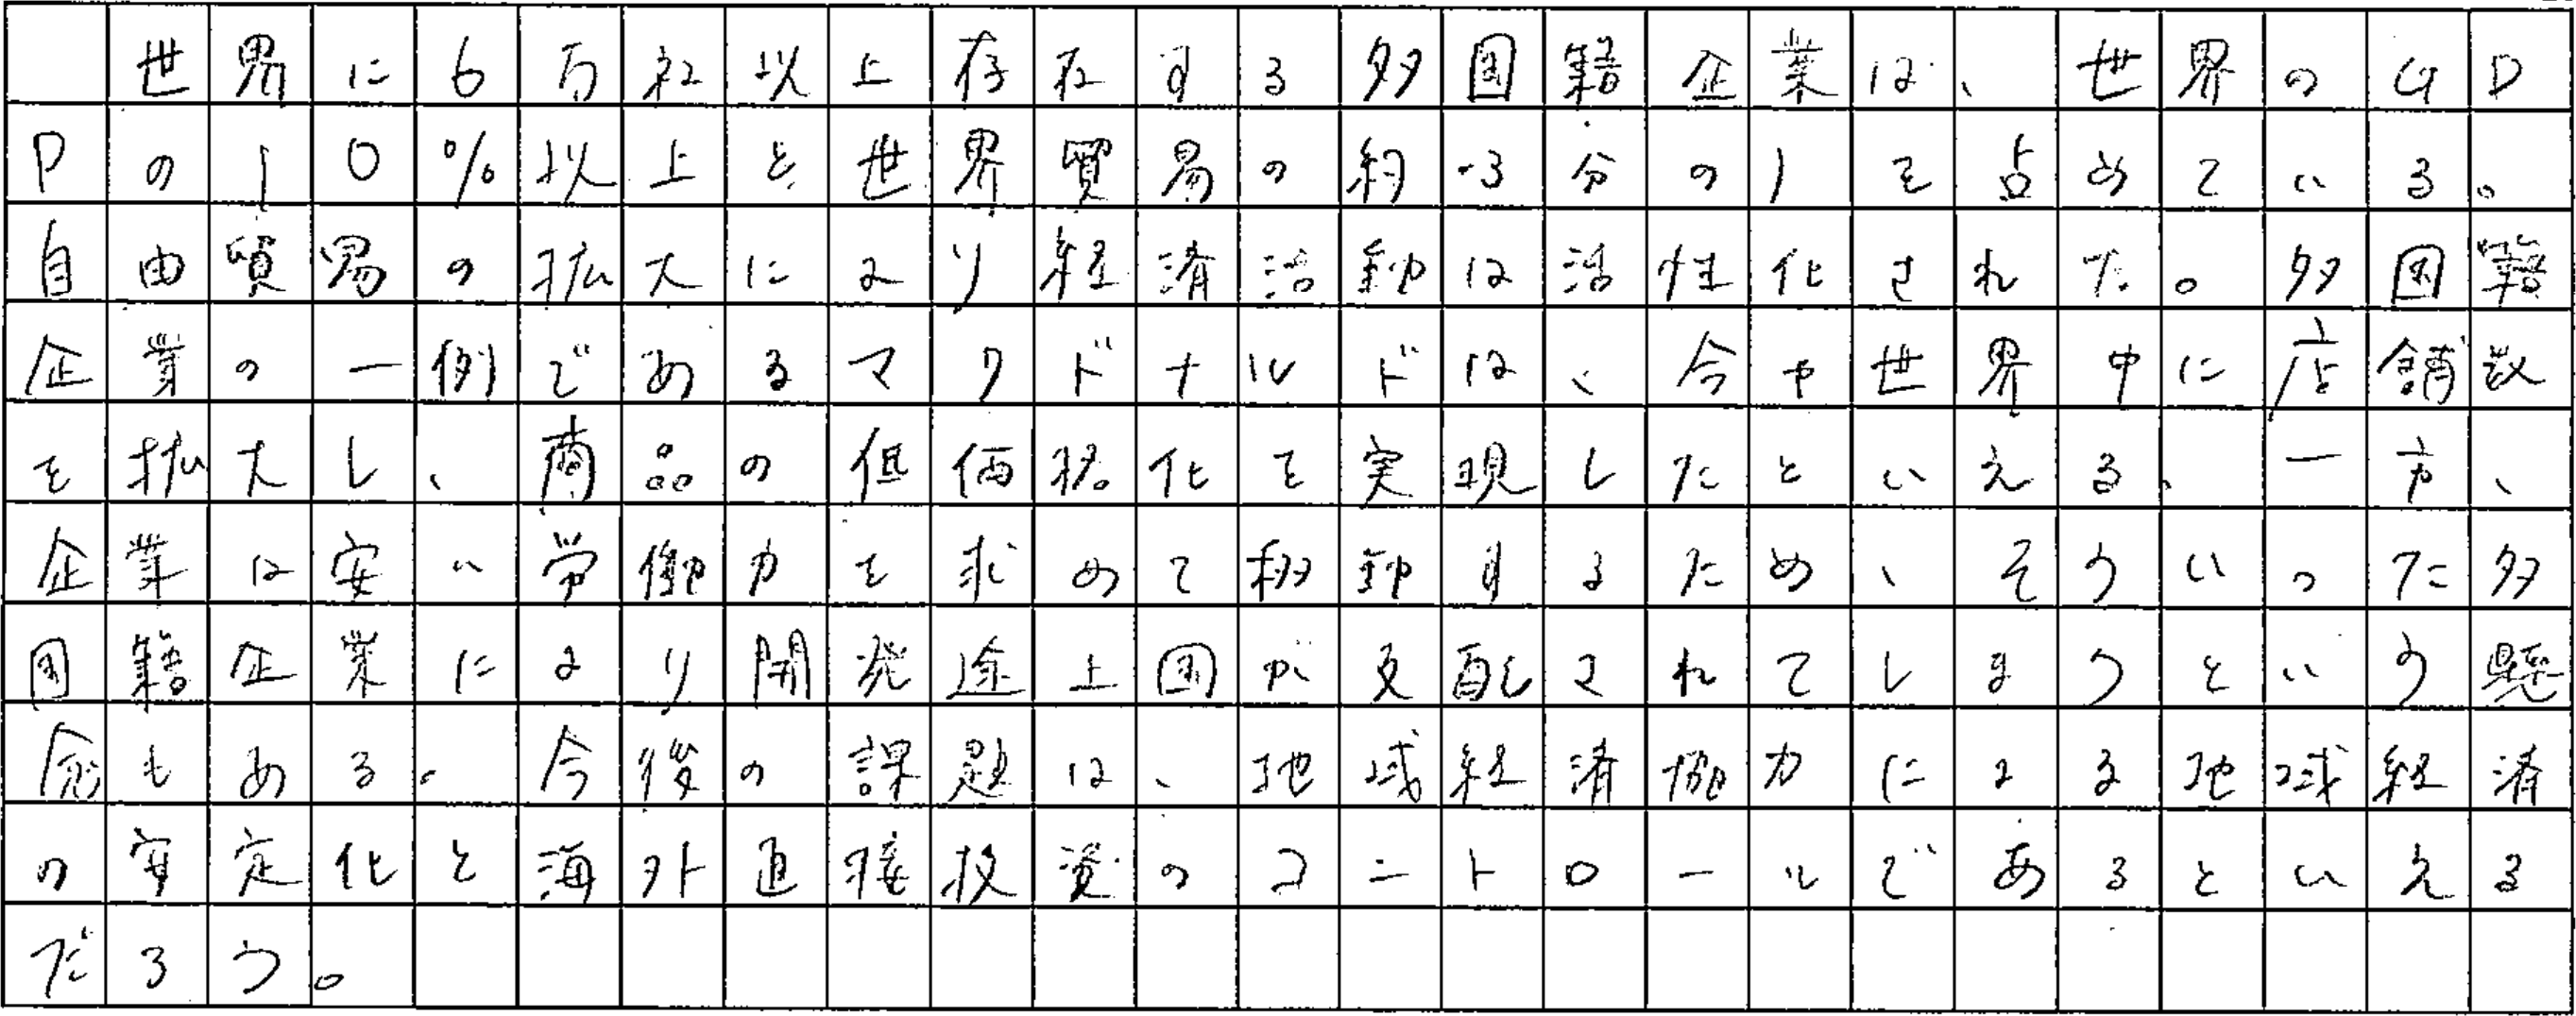　世界に６万社以上存在する多国籍企業は、世界のＧＤＰの１０％以上と世界貿易の約３分の１を占めている。自由貿易の拡大により経済活動は活性化された。多国籍企業の一例であるマクドナルドは、今や世界中に店舗数を拡大し、商品の低価格化を実現したといえる。一方、企業は安い労働力を求めて移動するため、そういった多国籍企業により開発途上国が支配されてしまうという懸念もある。今後の課題は、地域経済協力による地域経済の安定化と海外直接投資のコントロールであるといえるだろう。
